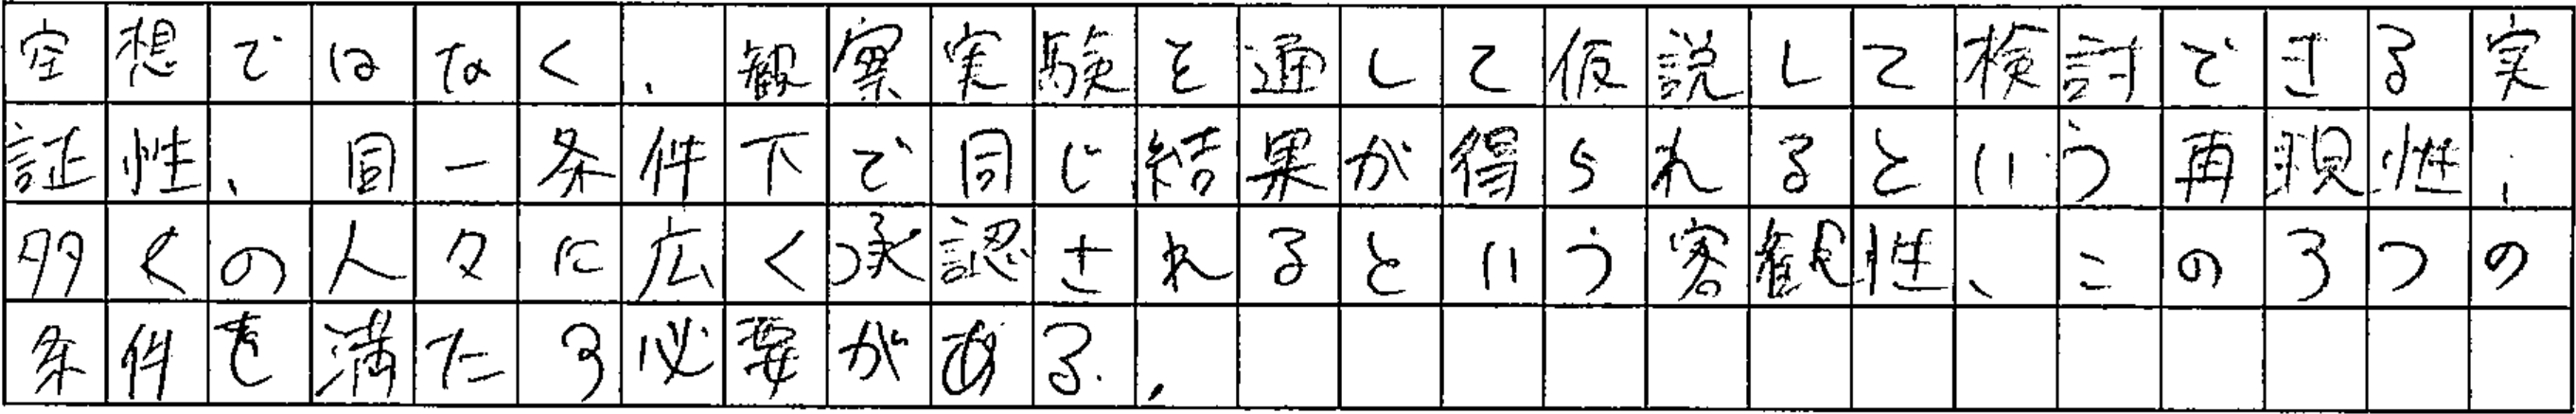空想ではなく、観察実験を通して仮説して検討できる実証性、同一条件下で同じ結果が得られるという再現性、多くの人々に広く承認されるという客観性、この３つの条件を満たす必要がある。
